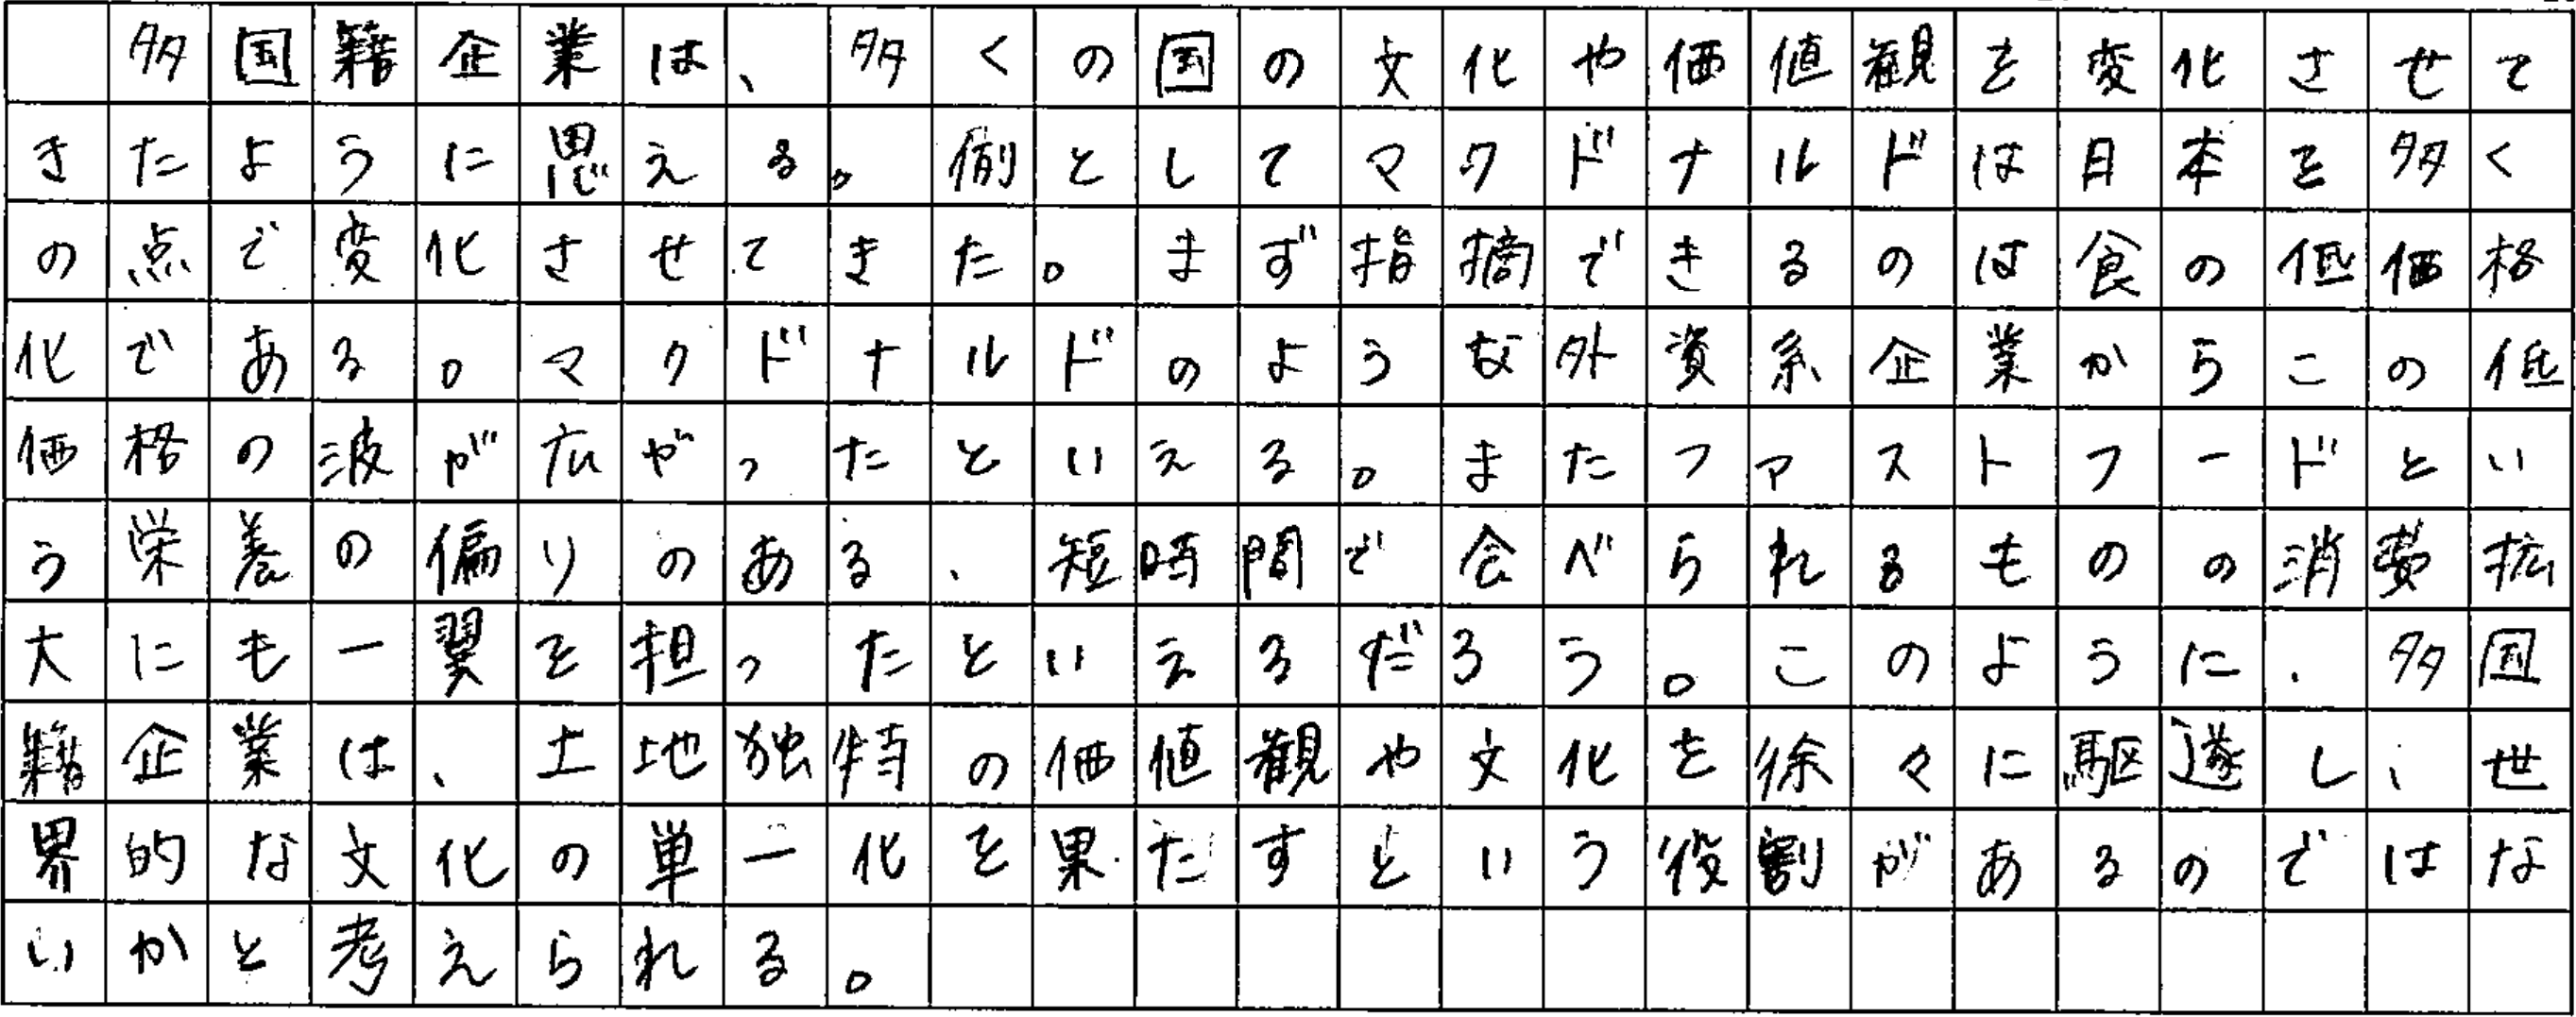　多国籍企業は、多くの国の文化や価値観を変化させてきたように思える。例としてマクドナルドは日本を多くの点で変化させてきた。まず指摘できるのは食の低価格化である。マクドナルドのような外資系企業からこの低価格の波が広がったといえる。またファストフードという栄養の偏りのある、短時間で食べられるものの消費拡大にも一翼を担ったといえるだろう。このように、多国籍企業は、土地独特の価値観や文化を徐々に駆▁し、世界的な文化の単一化を果たすという役割があるのではないかと考えられる。
